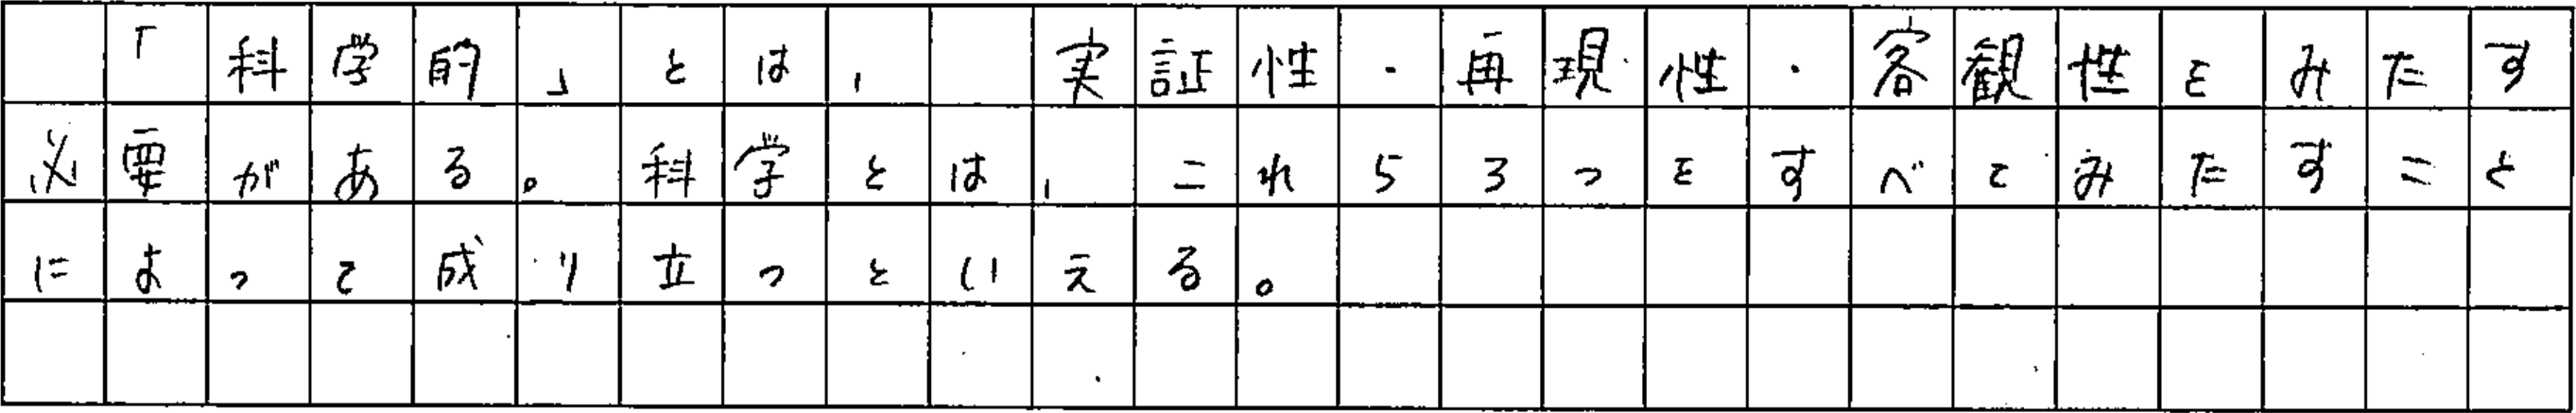　「科学的」とは、　実証性・再現性・客観性をみたす必要がある。科学とは、これら３つをすべてみたすことによって成り立つといえる。
